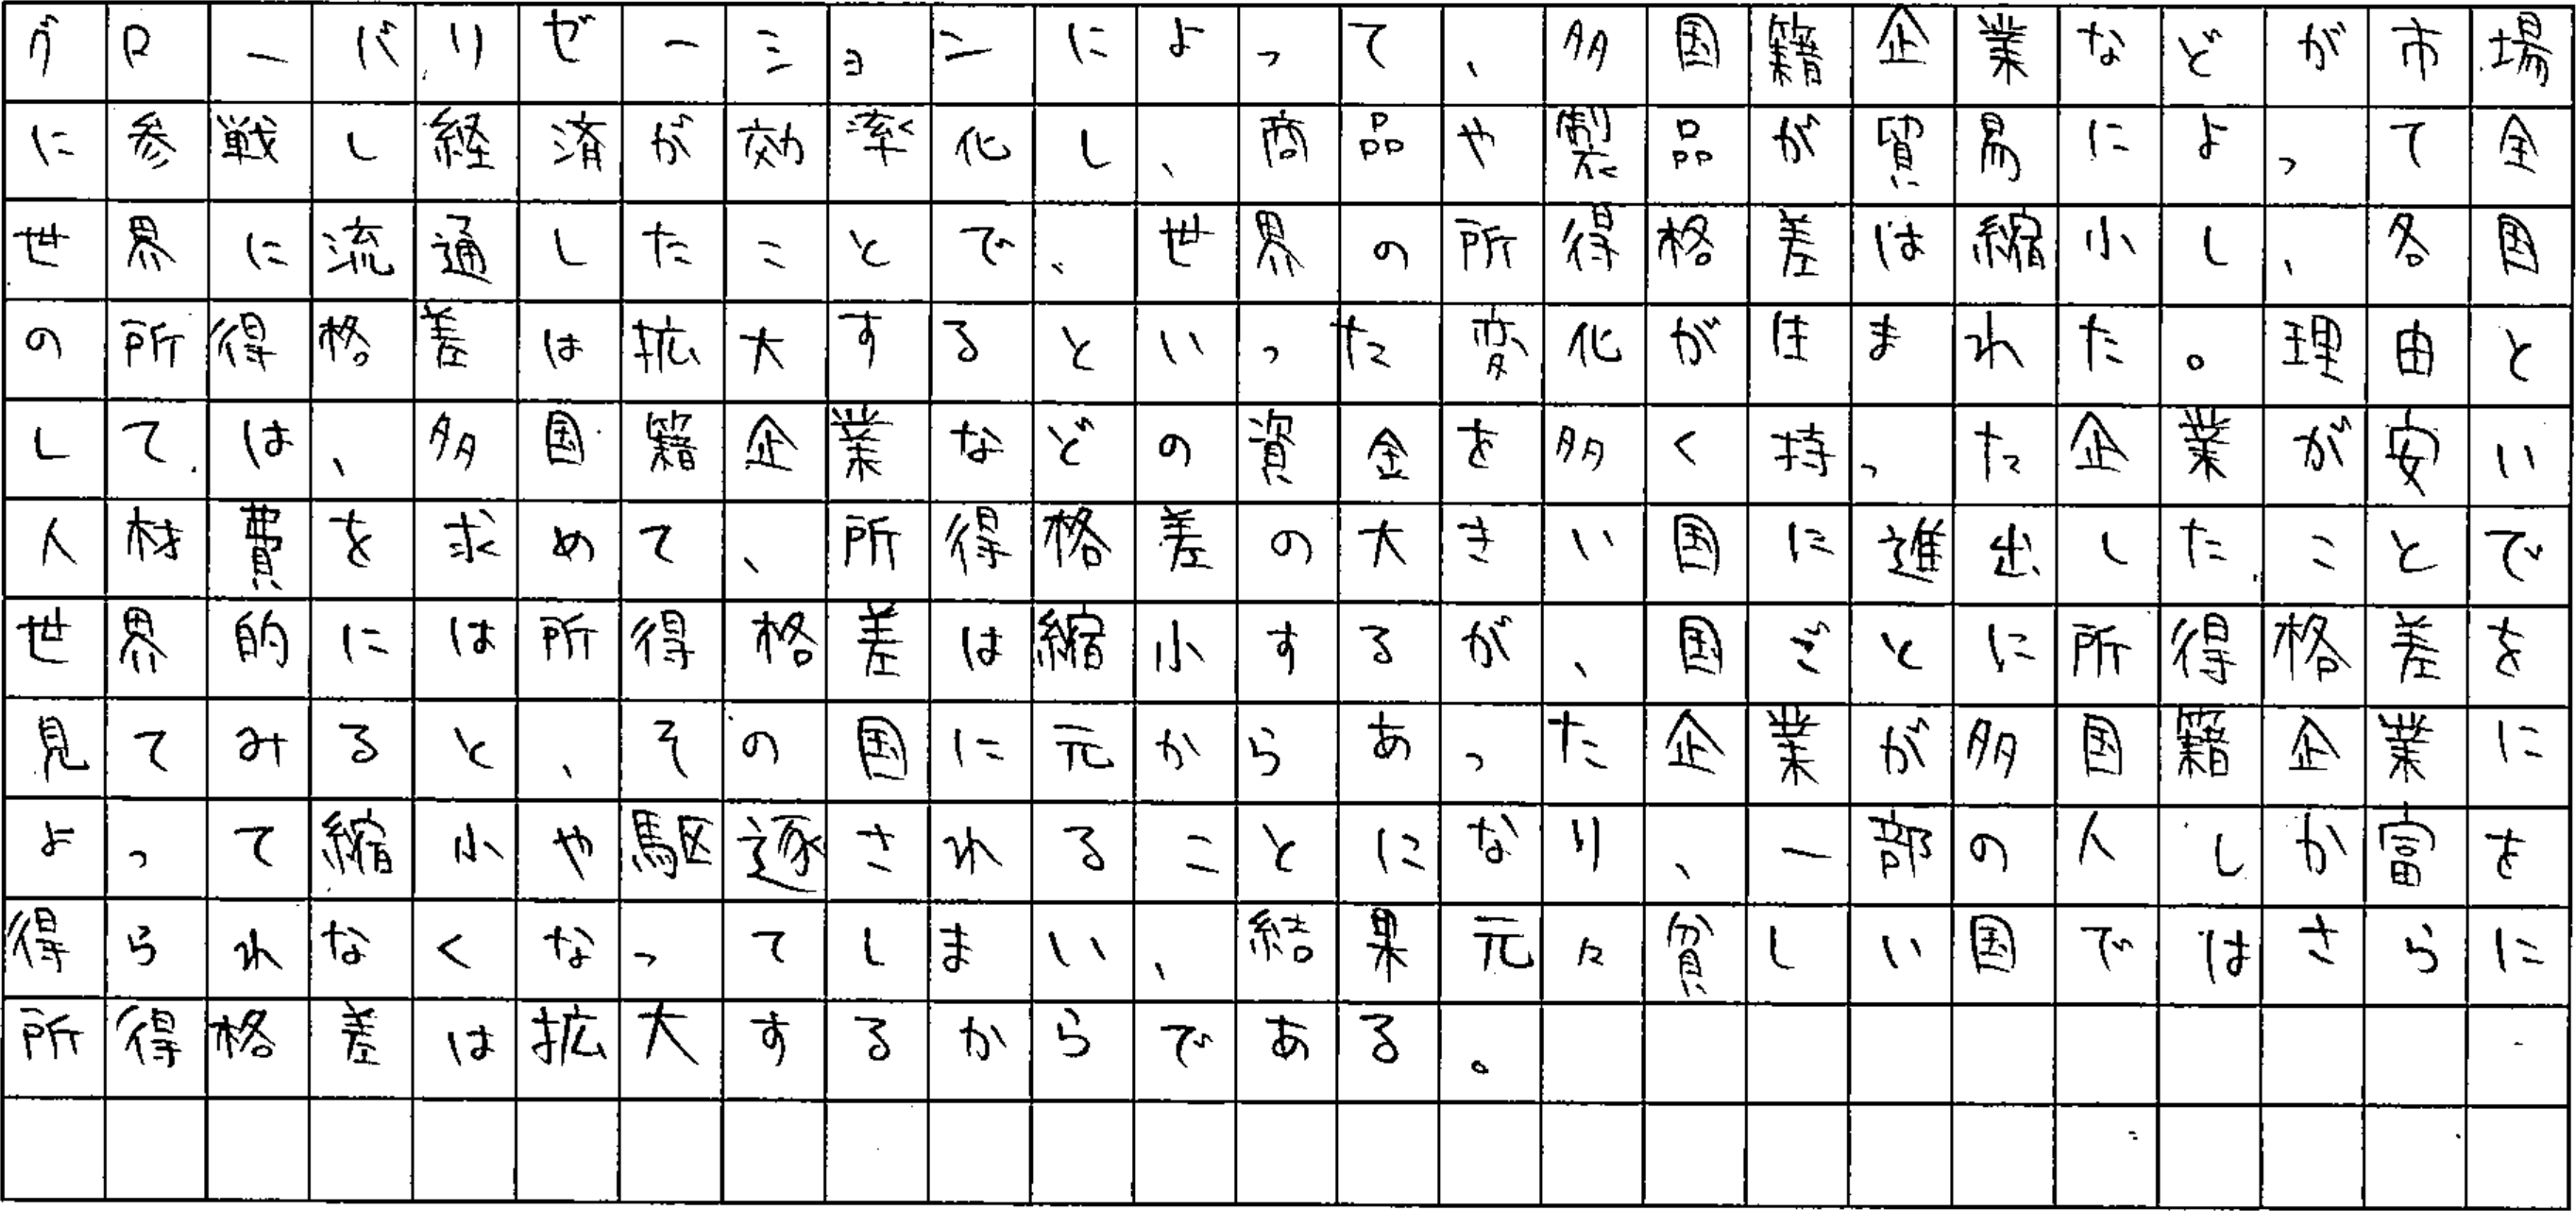グローバリゼーションによって、多国籍企業などが市場に参戦し経済が効率化し、商品や製品が貿易によって全世界に流通したことで、世界の所得格差は縮小し、各国の所得格差は拡大するといった変化が生まれた。理由としては、多国籍企業などの資金を多く持った企業が安い人材費を求めて、所得格差の大きい国に進出したことで世界的には所得格差は縮小するが、国ごとに所得格差を見てみると、その国に元からあった企業が多国籍企業によって縮小や駆逐されることになり、一部の人しか富を得られなくなってしまい、結果元々貧しい国ではさらに所得格差は拡大するからである。
